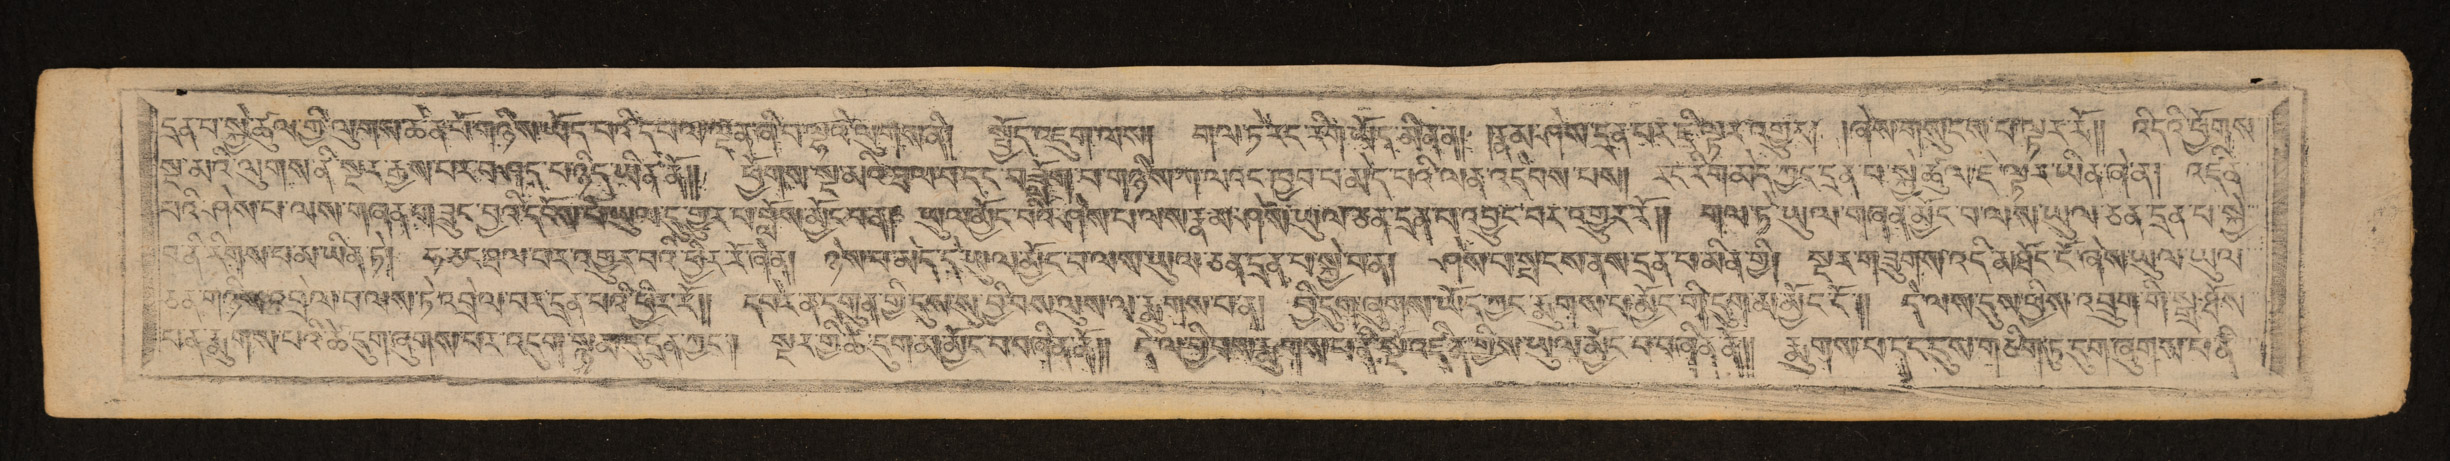དྲན་པ་སྐྱེ་ཚུལ་གྱི་ལུགས་ཆེན་པོ་གཉིས་ཡོད་པའི་དཔལ་ལྡན་ཞི་བ་ལྷའི་ལུགས་ནི། སྤྱོད་འཇུག་ལས། གལ་ཏེ་རང་རིག་ཡོད་མིན་ན། །རྣམ་ཤེས་དྲན་པར་ཇི་ལྟར་འགྱུར། །ཞེས་གསུངས་པ་ལྟར་རོ།། འདིའི་ཕྱོགས་
སྔ་མའི་ལུགས་ནི་སྔར་རྒྱས་པར་བཤད་པ་ཉིད་ཡིན་ནོ།། ཕྱོགས་སྔ་མའི་ཐལ་བ་དང་བཟློག་པ་གཉིས་ཀ་ལའང་ཁྱབ་པ་མེད་པའི་ལན་འདེབས་པས། རང་རིག་མེད་ཀྱང་དྲན་པ་སྐྱེ་ཚུལ་ཇི་ལྟར་ཡིན་ཞེ་ན། འཛིན་
པའི་ཤེས་པ་ལས་གཞན་གཟུང་བྱའི་དངོས་པོ་ཡུལ་དུ་གྱུར་པ་བློས་མྱོང་བ་ན། ཡུལ་མྱོང་བའི་ཤེས་པ་ལས་རྣམ་ཤེས་ཡུལ་ཅན་དྲན་པ་འབྱུང་བར་འགྱུར་རོ།། གལ་ཏེ་ཡུལ་གཞན་མྱོང་བ་ལས་ཡུལ་ཅན་དྲན་པ་སྐྱེ་
བ་ནི་རིགས་པ་མ་ཡིན་ཏེ། ཧ་ཅང་ཐལ་བར་འགྱུར་བའི་ཕྱིར་རོ་ཞེ་ན། ཉེས་པ་མེད་དེ་ཡུལ་མྱོང་བ་ལས་ཡུལ་ཅན་དྲན་པ་སྐྱེ་བ་ན། ཤེས་པ་སྤངས་ནས་དྲན་པ་མིན་གྱི། སྔར་གཟུགས་འདི་མཐོང་ངོ་ཞེས་ཡུལ་ཡུལ་
ཅན་གཉིས་འབྲེལ་བ་ལས་ཏེ་འབྲེལ་བར་དྲན་པའི་ཕྱིར་རོ།། དཔེར་ན་དགུན་གྱི་དུས་སུ་བྱི་བས་ལུས་ལ་རྨུགས་པ་ན། བྱི་དུག་ཞུགས་ཡོད་ཀྱང་རྨུགས་པ་མྱོང་གི་དུག་མ་མྱོང་ངོ།། དེ་ལས་དུས་ཕྱིས་འབྲུག་གི་སྒྲ་ཐོས་
པ་ན་རྨུགས་པའི་ཚེ་དུག་ཞུགས་པར་འདུག་སྙམ་དུ་དྲན་ཀྱང་། སྔར་གྱི་ཚེ་དུག་མ་མྱོང་བ་བཞིན་ནོ།། དེ་ལ་བྱི་བས་རྨུགས་པ་ནི་སྔོ་འཛིན་གྱིས་ཡུལ་མྱོང་བ་བཞིན་ནོ།། རྨུགས་པ་དང་དུས་གཅིག་ཏུ་དུག་ཞུགས་པ་ནི་